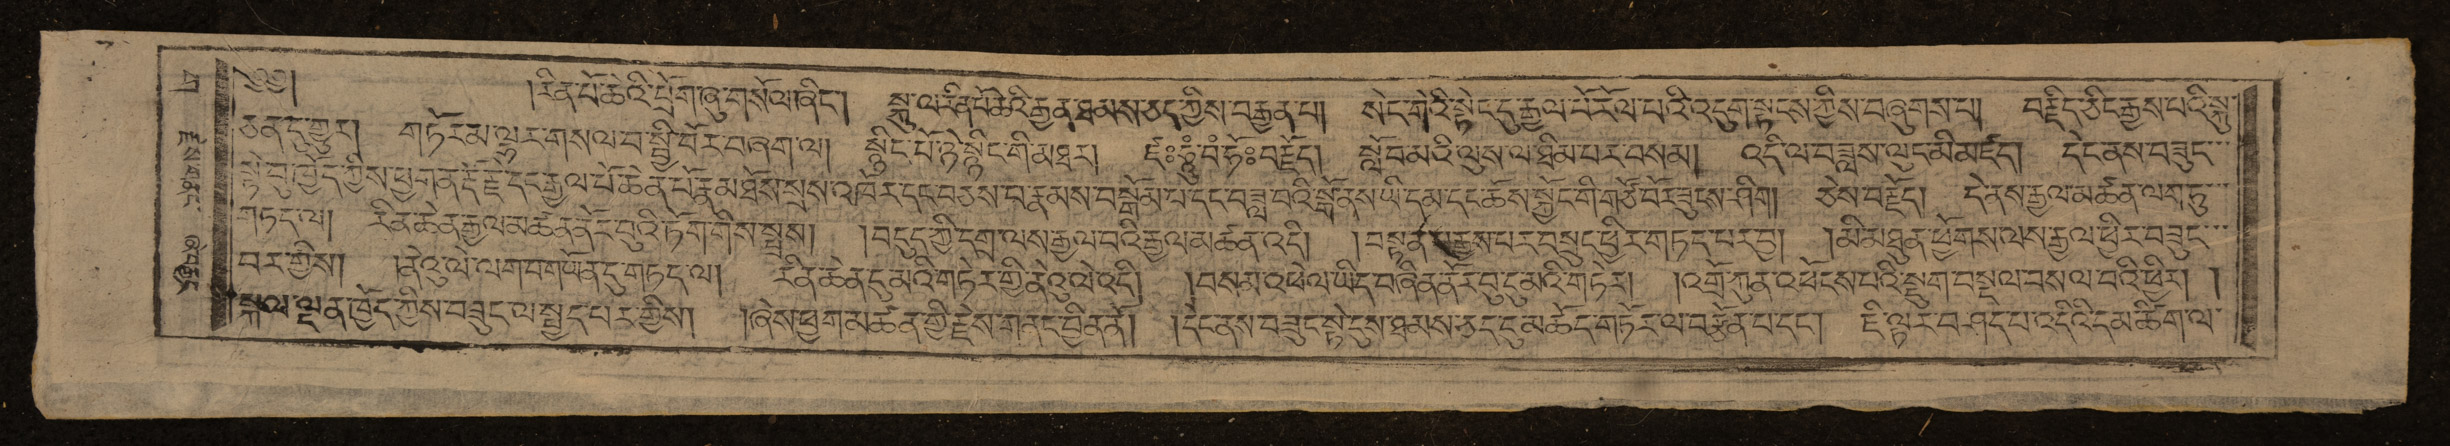༄༅། །རིན་པོ་ཆེའི་ཕྲོག་ཞུ་གསལ་ཞིང་། སྐུ་ལ་རིན་པོ་ཆེའི་རྒྱན་ཐམས་ཅད་ཀྱིས་བརྒྱན་པ། སེང་གེའི་སྟེང་དུ་རྒྱལ་པོ་རོལ་པའི་འདུག་སྟངས་ཀྱིས་བཞུགས་པ། བརྗིད་ཅིང་རྒྱས་པའི་སྐུ་
ཅན་དུ་གྱུར། གཏོར་མ་ལྷར་གསལ་བ་སྤྱི་བོར་བཞག་ལ། སྙིང་པོ་ཉེ་སྙིང་གི་མཐར། ཛཿཧཱུཾ་བཾ་ཧོཿབརྗོད། སློབ་མའི་ལུས་ལ་ཐིམ་པར་བསམ། འདི་ལ་བཟླས་ལུང་མི་མཛད། དེང་ནས་བཟུང་
སྟེ་བུ་ཁྱོད་ཀྱིས་ཕྱག་ན་རྡོ་རྗེ་དང་རྒྱལ་པོ་ཆེན་པོ་རྣམ་ཐོས་སྲས་འཁོར་དང་བཅས་པ་རྣམས་བསྒོམ་པ་དང་བཟླ་པའི་སྒོ་ནས་ཡི་དམ་དང་ཆོས་སྐྱོང་གི་གཙོ་བོར་ཟུངས་ཤིག། ཅེས་བརྗོད། དེ་ནས་རྒྱལ་མཚན་ལག་ཏུ་
གཏད་ལ། རིན་ཆེན་རྒྱལ་མཚན་ནོར་བུའི་ཏོག་གིས་སྤྲས། །བདུད་ཀྱི་དགྲ་ལས་རྒྱལ་བའི་རྒྱལ་མཚན་འདི། །བསྟན་པ་རྒྱས་པར་བསྲུང་ཕྱིར་གཏད་པར་བྱ། མི་མཐུན་ཕྱོགས་ལས་རྒྱལ་ཕྱིར་བཟུང་
བར་གྱིས། །ནེའུ་ལེ་ལག་པ་གཡོན་དུ་གཏད་ལ། རིན་ཆེན་དུ་མའི་གཏེར་གྱི་ནེའུ་ལེ་འདི། །བསམ་འཕེལ་ཡིད་བཞིན་ནོར་བུ་དུ་མའི་གཏེར། །འགྲོ་ཀུན་འཕོངས་པའི་སྡུག་བསྔལ་བསལ་བའི་ཕྱིར། །
སྐལ་ལྡན་ཁྱོད་ཀྱིས་བཟུང་ལ་སྤྱད་པར་གྱིས། །ཞེས་ཕྱག་མཚན་གྱི་རྗེས་གནང་བྱིན་ནོ། །དེང་ནས་བཟུང་སྟེ་དུས་ཐམས་ཅད་དུ་མཆོད་གཏོར་ལ་བརྩོན་པ་དང་། ཇི་ལྟར་བཤད་པ་འདིའི་དམ་ཚིག་ལ་